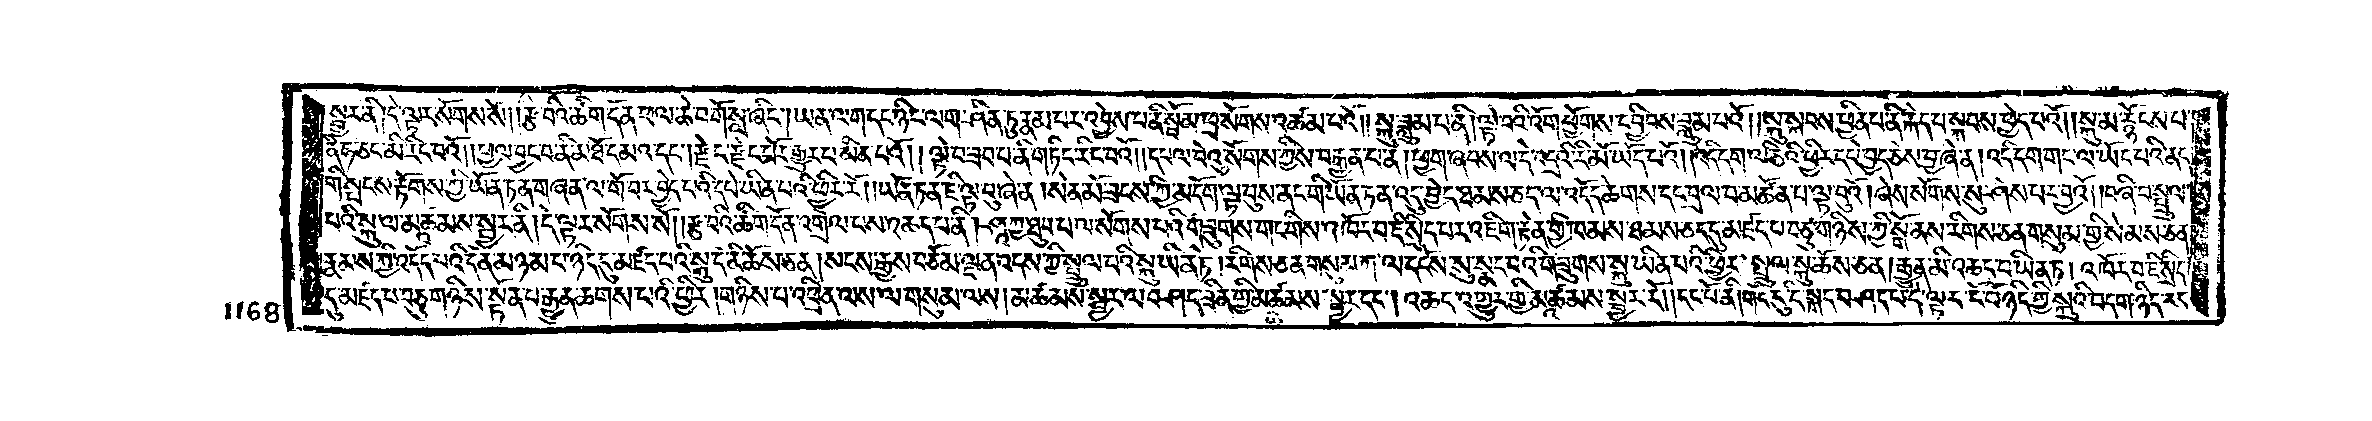སྦྱར་ནི། དེ་ལྟར་སོགས་སོ། །རྩ་བའི་ཚིག་དོན་ཕལ་ཆེ་བ་གོ་སླ་ཞིང་། ཡན་ལག་དང་ཉིང་ལག་ཤིན་ཏུ་རྣམ་པར་འབྱེས་པ་ནི་སྦོམ་ཕྲ་སོགས་འཚམ་པའོ། །སྐུ་ཟླུམ་པ་ནི། ལྟེ་བའི་འོག་ཕྱོགས་དབྱིབས་ཟླུམ་པའོ། །སྐུ་སྐབས་ཕྱིན་པ་ནི་རྐེད་པ་སྐབས་ཕྱེ་པའོ། །སྐུ་མ་རྙོངས་པ་
ནི་ཧ་ཅང་མི་རིང་པའོ། །ཕྱལ་བྱང་བ་ནི་མཐོ་དམའ་དང་། རྫེང་རྫེང་པོར་རྒྱུར་བ་མིན་པའོ། །ལྟེ་བ་ཟབ་པ་ནི་གཏིང་རིང་པའོ། །དཔལ་བེའུ་སོགས་ཀྱིས་བརྒྱན་པ་ནི། ཕྱག་ཞབས་ལ་དེ་འདྲའི་རི་མོ་ཡོད་པའོ། །འདི་དག་ལ་ཅིའི་ཕྱིར་དཔེ་བྱད་ཅེས་བྱ་ཞེ་ན། འདི་དག་གང་ལ་ཡོད་པའི་ནང་
གི་སྤངས་རྟོགས་ཀྱི་ཡོན་ཏན་གཞན་ལ་གོ་བར་བྱེད་པའི་དཔེ་ཡིན་པའི་ཕྱིར་རོ། །ཡོན་ཏན་ཇི་ལྟ་བུ་ཞེ་ན། སེན་མོ་ཟངས་ཀྱི་མདོག་ལྟ་བུས་ནང་གི་ཡོན་ཏན་འདུ་བྱེད་ཐམས་ཅད་ལ་འདོད་ཆེགས་དང་བྲལ་བ་མཚོན་པ་ལྟ་བུའོ། ཞེས་སོགས་སུ་ཤེས་པར་བྱའོ། །བཞི་པ་སྤྲུལ་
པའི་སྐུ་ལ་མཚམས་སྦྱར་ནི། དེ་ལྟར་སོགས་སོ། །རྩ་བའི་ཚིག་དོན་འགྲེལ་པས་འཆད་པ་ནི། ཤཱ་ཀྱ་ཐུབ་པ་ལ་སོགས་པའི་གཟུགས་གང་གི་འཁོར་བ་ཇི་སྲིད་པར་འཇིག་རྟེན་གྱི་ཁམས་ཐམས་ཅད་དུ་མཛད་པ་བཅུ་གཉིས་ཀྱི་སྒོ་ནས་རིགས་ཅན་གསུམ་གྱི་སེམས་ཅན་
རྣམས་ཀྱི་འདོད་པའི་དོན་མཉམ་པ་ཉིད་དུ་མཛད་པའི་སྐུ་དེ་ནི་ཆོས་ཅན། སངས་རྒྱས་བཅོམ་ལྡན་འདས་ཀྱི་སྤྲུལ་པའི་སྐུ་ཡིན་ཏེ། རིགས་ཅན་གསུམ་ཀ་ལ་དངོས་སུ་སྣང་བའི་གཟུགས་སྐུ་ཡིན་པའི་ཕྱིར་སྤྲུལ་སྐུ་ཆོས་ཅན། རྒྱུན་མི་འཆད་པ་ཡིན་ཏེ། འཁོར་བ་ཇི་སྲིད་
དུ་མཛད་པ་བཅུ་གཉིས་སྟོན་པ་རྒྱུན་ཆགས་པའི་ཕྱིར། གཉིས་པ་འཕྲིན་ལས་ལ་གསུམ་ལས། མཚམས་སྦྱར་ལ་བཤད་ཟིན་གྱི་མཚམས་སྦྱར་དང་། འཆད་འགྱུར་གྱི་མཚམས་སྦྱར་རོ། །དང་པོ་ནི། གོང་དུ་དི་སྐད་བཤད་པ་དེ་ལྟར་ངོ་བོ་ཉིད་ཀྱི་སྐུའི་བདག་ཉིད་རང་